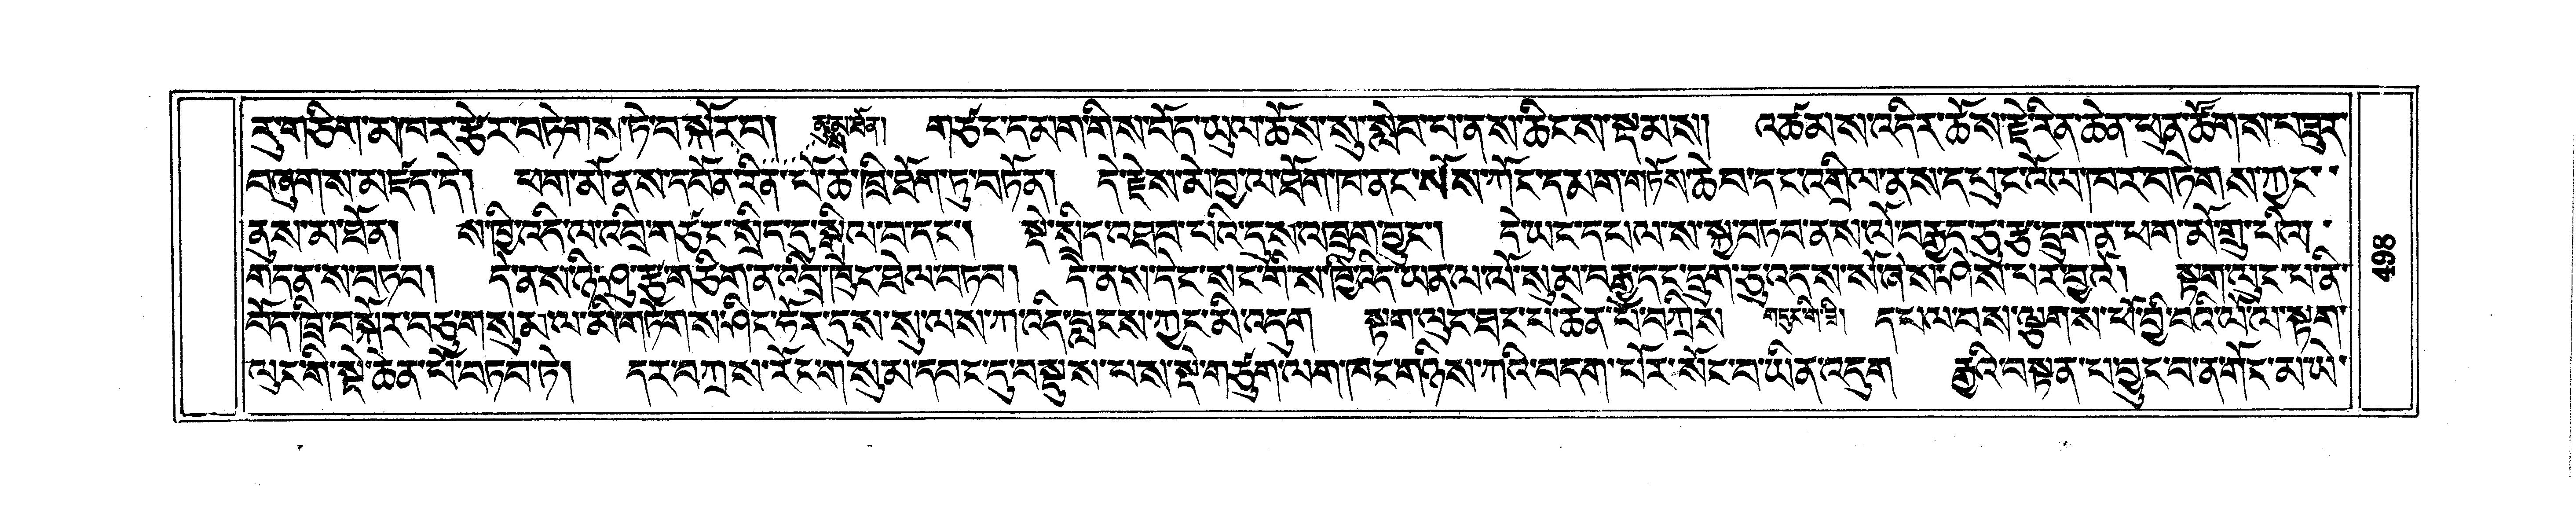རུ་གཅིག་མཁར་རྩེར་བཏེགས་ཏེ་བསྐོར་བ། ནུས་མ་ཐོན།  གཙང་དམག་གིས་བོད་ཡུལ་ཆོས་སུ་སླེབ་པ་ནས་ཆིངས་སྡམས། འཚམས་འདིར་ཆོས་རྗེ་རིན་ཆེན་ཕུན་ཚོགས་པ་ཟུར་
བཞུགས་མཛད་དེ། ཕག་མོ་ནས་དབོན་རིན་པོ་ཆེ་ཁྲི་ཐོག་ཏུ་བཏོན། དེ་རྗེས་མེ་བྱ་ལ་ཐོག་ཁ་ནང་སོས་ཀོང་དམག་གཏོས་ཆེབ་དང་འགྲིལ་ནས་དཔུང་འོལ་ཁར་བཏེགས་ཀྱང་
ནུས་མ་ཐོན། ས་ཁྱི་འདི་ལ་འབྲི་གཙང་སྲིད་དུ་སྒྲིལ་བ་དང་། སྡེ་སྲིད་འཐབ་པའི་དུས་འཁྲུག་བྱུང་། དེ་ཡང་དཔལ་ས་སྐྱ་བཏབ་ནས་ལོ་བརྒྱད་ཅུ་རྩ་དྲུག་ན་ཕག་མོ་གྲུ་པའི།
གདན་ས་བཏབ། དེ་ནས་ཉི་ཤུ་རྩ་གཅིག་ན་འབྲི་ཁུང་ཐེལ་བཏབ། དེ་ནས་དེང་སང་གི་ས་ཁྱི་འདི་ཡན་ལ་ལོ་སུམ་བརྒྱ་དང་དྲུག་ཅུ་འདས་སོ་ཞེས་ཤེས་པར་བྱའོ། སྟག་ལུང་པ་ནི་
བོད་ཁྲི་བསྐོར་བཅུ་གསུམ་ལ་མི་གཏོགས་ཤིང་ཧོར་དུས་སུ་ལས་ཀ་འདི་བླངས་ཀྱང་མི་འདུག་སྟག་ལུང་ཐང་པ་ཆེན་པོ་བཀྲིས་གདུང་གི་ཟི།  དཔལ་བས་ལྕགས་ཕོ་བྱི་བའི་ལོ་ལ་སྟག་
ལུང་གི་སྡེ་ཆེན་པོ་བཏབ་ཏེ། དར་བཀྲས་རོང་གསུམ་དབང་དུ་བསྡུས་པས་སྡེ་གཙུག་ལག་ཁང་གཉིས་ཀའི་བདག་པོར་སོང་བ་ཡིན་འདུག་རྒྱའི་བསྟན་པ་བྱུང་བ་ན་གོང་མ་ཡེ་